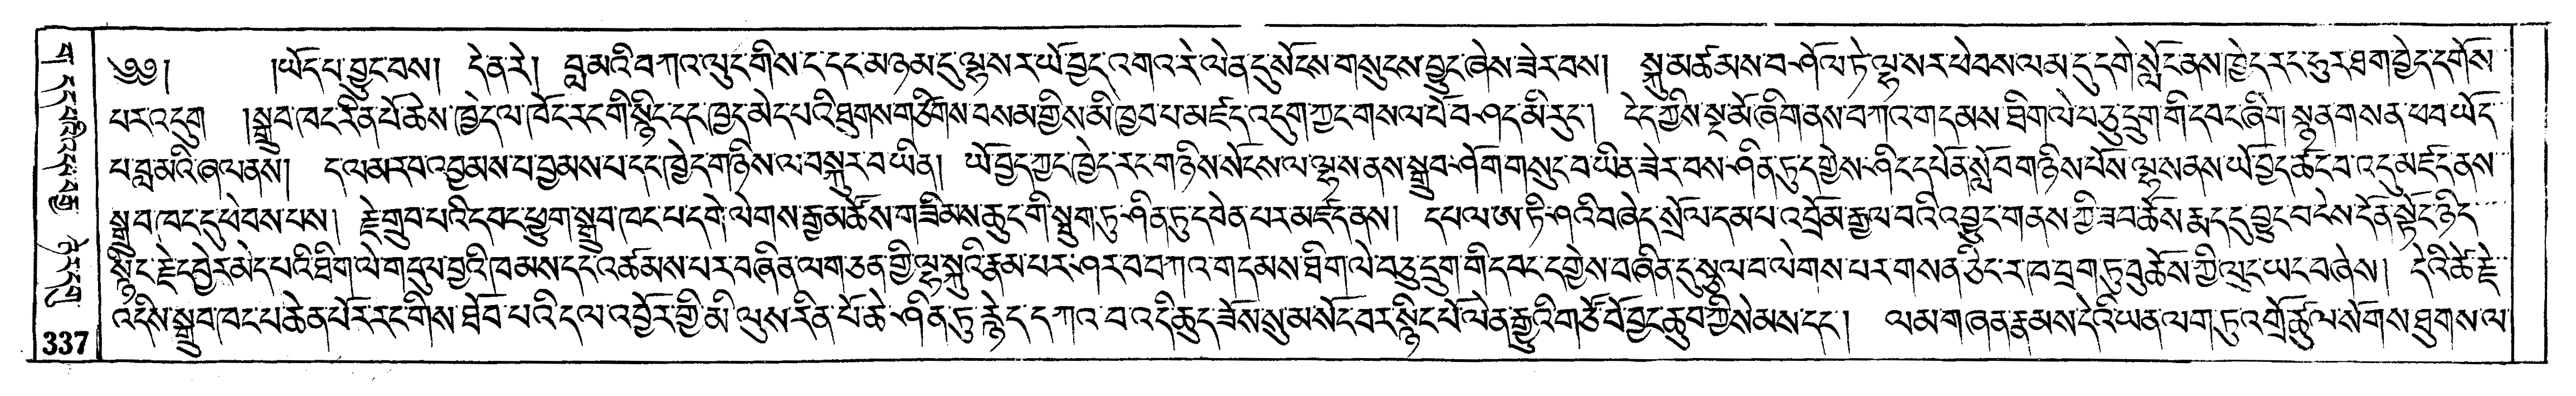༄༅། །ཡོད་པ་བྱུང་བས། དེ་ན་རེ། བླ་མའི་བཀའ་ལུང་གིས་ང་དང་མཉམ་དུ་ལྷ་སར་ཡོ་བྱད་འགའ་རེ་ལེན་དུ་སོངས་གསུངས་བྱུང་ཞེས་ཟེར་བས། སྐུ་མཚམས་བཤོལ་ཏེ་ལྷ་སར་ཕེབས་ལམ་དུ་དགེ་སློང་ནས་ཁྱེད་རང་ཧུར་ཐག་བྱེད་དགོས་
པར་འདུག །སྒྲུབ་ཁང་རིན་པོ་ཆེས་ཁྱེད་ལ་ཁོང་རང་གི་སྙིང་དང་ཁྱད་མེད་བའི་ཐུགས་གཙིགས་བསམ་གྱིས་མི་ཁྱབ་པ་མཛད་འདུག་ཀྱང་གསལ་པོ་བཤད་མི་རུང་། ངེད་ཀྱིས་སྔ་མོ་ཞིག་ནས་བཀའ་གདམས་ཐིག་ལེ་བཅུ་དྲུག་གི་དབང་ཞིག་སྙན་གསན་ཕབ་ཡོད་
པ་བླ་མའི་ཞལ་ནས། ད་ལམ་རབ་འབྱམས་པ་བྱམས་པ་དང་ཁྱེད་གཉིས་ལ་བསྐུར་བ་ཡིན། ཡོ་བྱད་ཀྱང་ཁྱེད་རང་གཉིས་སོངས་ལ་ལྷས་ནས་སྒྲུབ་ཤོག་གསུང་བ་ཡིན་ཟེར་བས་ཤིན་ཏུ་དགྱེས་ཤིང་དཔོན་སློབ་གཉིས་བོས་ལྷ་ས་ནས་ཡོ་བྱད་ཚང་བ་འདུ་མཛད་ནས་
སྒྲུབ་ཁང་དུ་ཕེབས་པས། རྗེ་གྲུབ་པའི་དབང་ཕྱུག་སྒྲུབ་ཁང་པ་དགེ་ལེགས་རྒྱ་མཚོས་གཟིམས་ཆུང་གི་སྦུག་ཏུ་ཤིན་ཏུ་དབེན་པར་མཛད་ནས། དཔལ་ཨ་ཏི་ཤའི་བཞེད་སྲོལ་དམ་པ་འབྲོམ་རྒྱལ་བའི་འབྱུང་གནས་ཀྱི་ཟབ་ཆོས་རྨད་དུ་བྱུང་བ་ངེས་དོན་སྟོང་ཉིད་
སྙིང་རྗེ་དབྱེར་མེད་པའི་ཐིག་ལེ་གདུལ་བྱའི་ཁམས་དང་འཚམས་བར་བཞིན་ལག་ཅན་གྱི་ལྷ་སྐུའི་རྣམ་པར་ཤར་བ་བཀའ་གདམས་ཐིག་ལེ་བཅུ་དྲུག་གི་དབང་དགྱེས་བཞིན་དུ་སྩལ་བ་ལེགས་བར་གསན་ཅིང་ར་ཁ་བྲག་ཏུ་ཆོས་ཀྱི་ལུང་ཡང་བཞེས། དེའི་ཚེ་རྗེ་
འདིས་སྒྲུབ་ཁང་པ་ཆེན་པོར་རང་གིས་ཐོབ་པའི་དལ་འབྱོར་གྱི་མི་ལུས་རིན་པོ་ཆེ་ཤིན་ཏུ་རྙེད་དཀའ་བ་འདི་ཆུང་ཟོས་སུམ་སོང་བར་སྙིང་པོ་ལེན་རྒྱུའི་གཙོ་བོ་བྱང་ཆུབ་ཀྱི་སེམས་དང་། ལམ་གཞན་རྣམས་དེའི་ཡན་ལག་ཏུ་འགྲོ་ཚུལ་སོགས་ཐུགས་ལ་